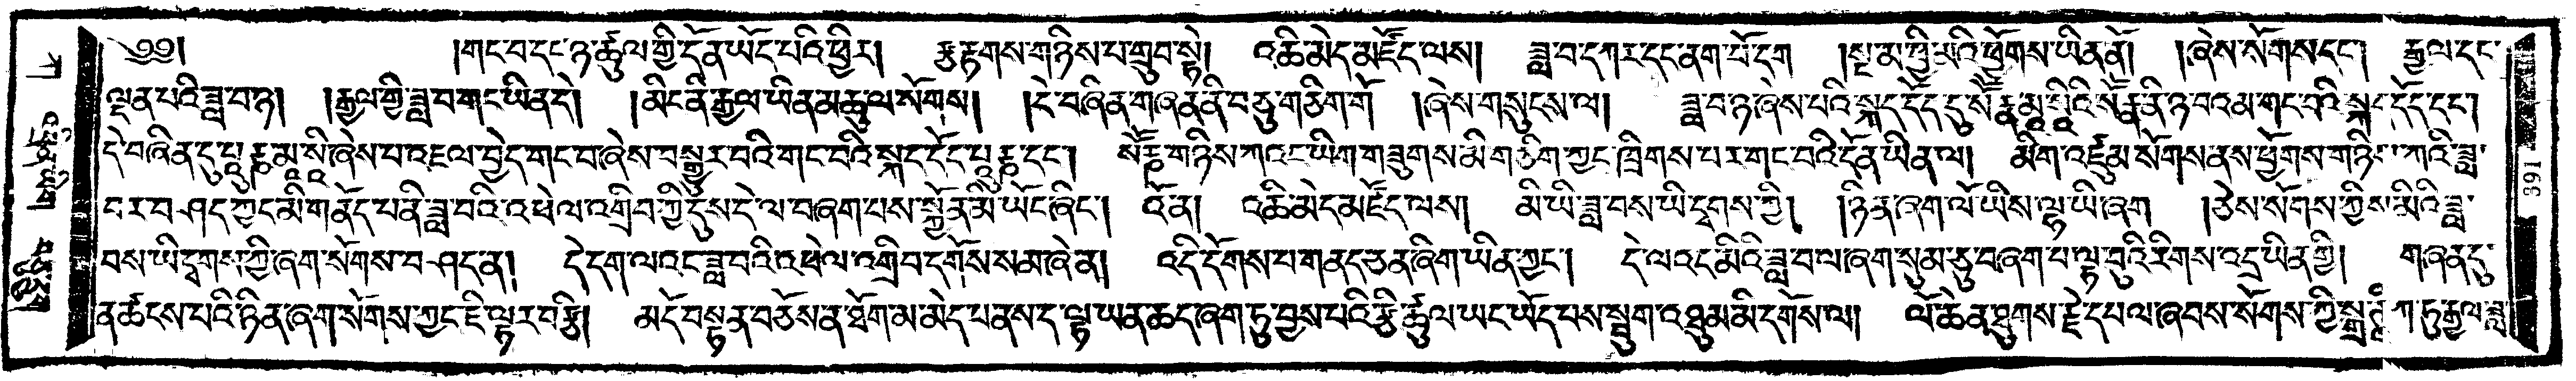༄༅། །གང་བ་དང་ཉ་ཚུལ་གྱི་དོན་ཡོད་པའི་ཕྱིར། རྩ་རྟགས་གཉིས་པ་གྲུབ་སྟེ། འཆི་མེད་མཛོད་ལས། ཟླ་བ་དཀར་དང་ནག་པོ་དག །སྔ་མ་ཕྱི་མའི་ཕྱོགས་ཡིན་ནོ། །ཞེས་སོགས་དང་། རྒྱལ་དང་
ལྡན་པའི་ཟླ་བ་ཉ། །རྒྱལ་གྱི་ཟླ་བ་གང་ཡིན་དེ། །མིང་ནི་རྒྱལ་ཡིན་མཆུ་ལ་སོགས། །དེ་བཞིན་གཞན་ནི་བཅུ་གཅིག་གོ །ཞེས་གསུངས་ལ། ཟླ་བ་ཉ་ཞེས་པའི་སྐད་དེད་དུ་སཽ་རྣ་མཱ་སཱིའི་སཽ་རྣ་ནི་ཉ་བའམ་གང་པའི་སྐད་དོད་དང་། །
དེ་བཞིན་དུ་པཱ་རྞ་མཱ་སཱི་ཞེས་པ་འཇལ་བྱེད་གང་བ་ཞེས་བསྒྱུར་པའི་གང་བའི་སྐད་དོན་པཱུརྞ་དང་། སཽ་རྞ་གཉིས་ཀའང་ཡིག་གཟུགས་མི་གཅིག་ཀྱང་ཁྲིགས་པར་གང་བའི་དོན་ཡིན་ལ། མིག་འཛུམ་སོགས་ནས་ཕྱོགས་གཉིས་
བར་བཤད་ཀྱང་མི་གནོད་པ་ནི་ཟླ་བའི་འཕེལ་འགྲིབ་ཀྱི་དུས་དེ་ལ་བཞག་བས་སྐྱོན་མི་ཡོང་ཞིང་། འོ་ན། འཆི་མེད་མཛོད་ལས། མི་ཡི་ཟླ་བས་ཡི་དྭགས་ཀྱི། །ཉིན་ཞག་ལོ་ཡིས་ལྷ་ཡི་ཞག །ཅེས་སོགས་ཀྱིས་མིའི་ཟླ་
བས་ཡི་དྭགས་ཀྱི་ཞག་སོགས་བཤད་ན། དེ་དག་ལའང་ཟླ་བའི་འཕེལ་འགྲིབ་དགོས་སམ་ཞེ་ན། འདི་དོགས་པ་གནད་ཅན་ཞིག་ཡིན་ཀྱང་། དེ་ལའང་མིའི་ཟླ་བ་ལ་ཞག་སུམ་ཅུ་བཞག་པ་ལྟ་བུའི་རིགས་འདྲ་ཡིན་གྱི། གཞན་དུ་
ན་ཚངས་པའི་ཉིན་ཞག་སོགས་ཀྱང་ཇི་ལྟར་བརྩི། མདོ་བསྟན་བཅོས་ན་ཐོག་མ་མེད་པ་ནས་ད་ལྟ་ཡན་ཆད་ཞག་ཏུ་བྱས་པའི་རྩི་ཚུལ་ཡང་ཡོད་པས་སྦུག་འཐུམ་མི་དགོས་ལ། ལོ་ཆེན་ཐུགས་རྗེ་དཔལ་ཞབས་སོགས་ཀྱི་སྒྲ་ཊཱི་ཀ་ཏུ་རྒྱལ་ཟླ་